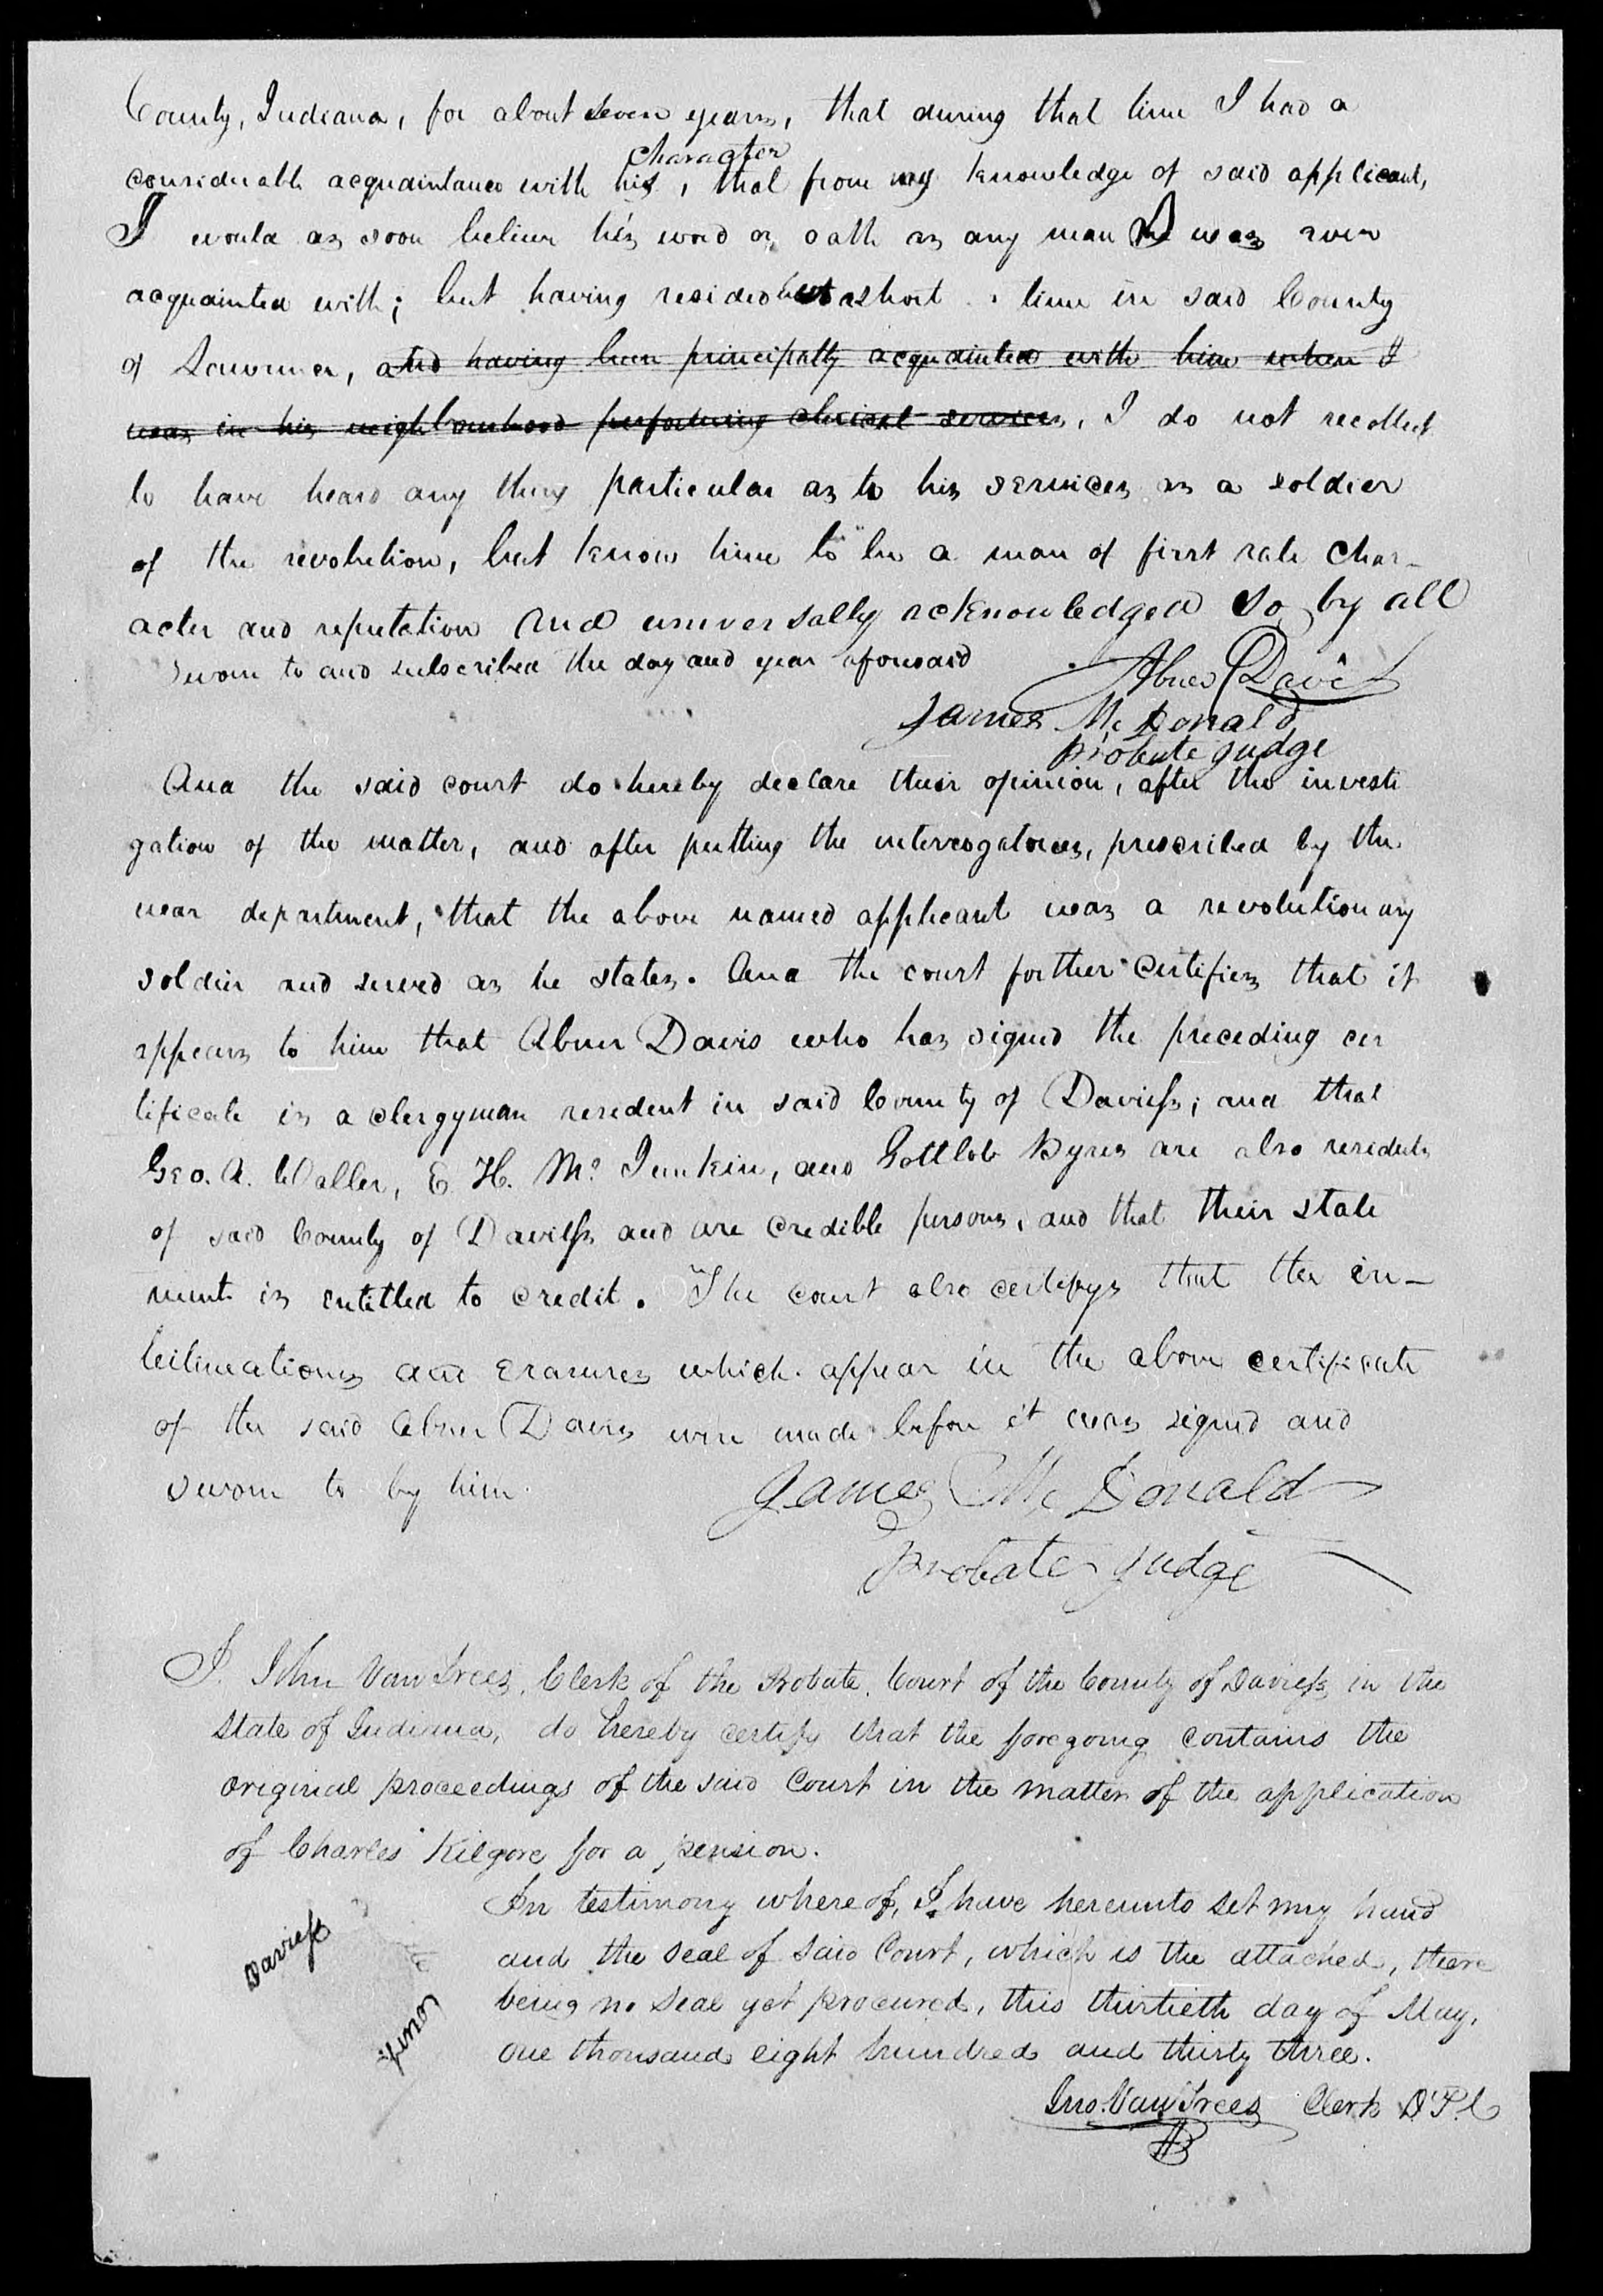County, Indiana, for about seven years, that during that time I had a considerable acquaintance with his character, that from my knowledge of said applicant, I would as soon believe his word or oath as any man I was ever acquainted with but having resided but a short time in said County of Lawrener [Lawrence], [crossed out: and principally acquainted with him when I was in his neighbourhood performing clinical services, I do not recollect to have heard any thing particular as to his services as a soldier of the revolution, but know him to be a man of first rate character and reputation and universally acknowledged so by all
Sworn to and subscribed the day and year aforesaid
Abner Davis
James Mc. Donald
Probate Judge

And the said Court do hereby declare their opinion, after the investigation of the matter, and after putting the interrogatories prescribed by the war department, that the above named applicant was a revolutionary soldier and served as he states. And the court further certifies that it appears to him that Abner Davis who has signed the preceding certificate is a clergyman resident in said County of Daviess, and that Geo. A. Waller, E. H. Mc Junkin, and Gottlob Byres are also residents of said County of Daviess and are credible persons, and that their statement is entitled to credit. The Court also certify that the inteilineations and erasures which appear in the above certificate of the said Abner Davis were made before it was signed and sworn to by him
James McDonald
Probate Judge

I, John Van Trees, Clerk of the Probate Court of the County of Daviess in the State of Indiana, do hereby certify that the foregoing contains the original proceedings of the said Court in the matter of the application of Charles Kilgore for a pension.
In testimony whereof, I have hereunto set my hand and the seal of said Court, which is the attached, there being no seal yet procured, this thirtieth day of May one thousand eight hundred and thirty three.
Jno. Van Trees Clerk D.P.C.

Daviess County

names: Abner Davis; John Van Trees; Gottlob Byres; James Mc Donald; Geo A Waller; E H Mc Junkin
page: 51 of 115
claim: survivor's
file: S. 699, for Charles Kilgore, Virginia